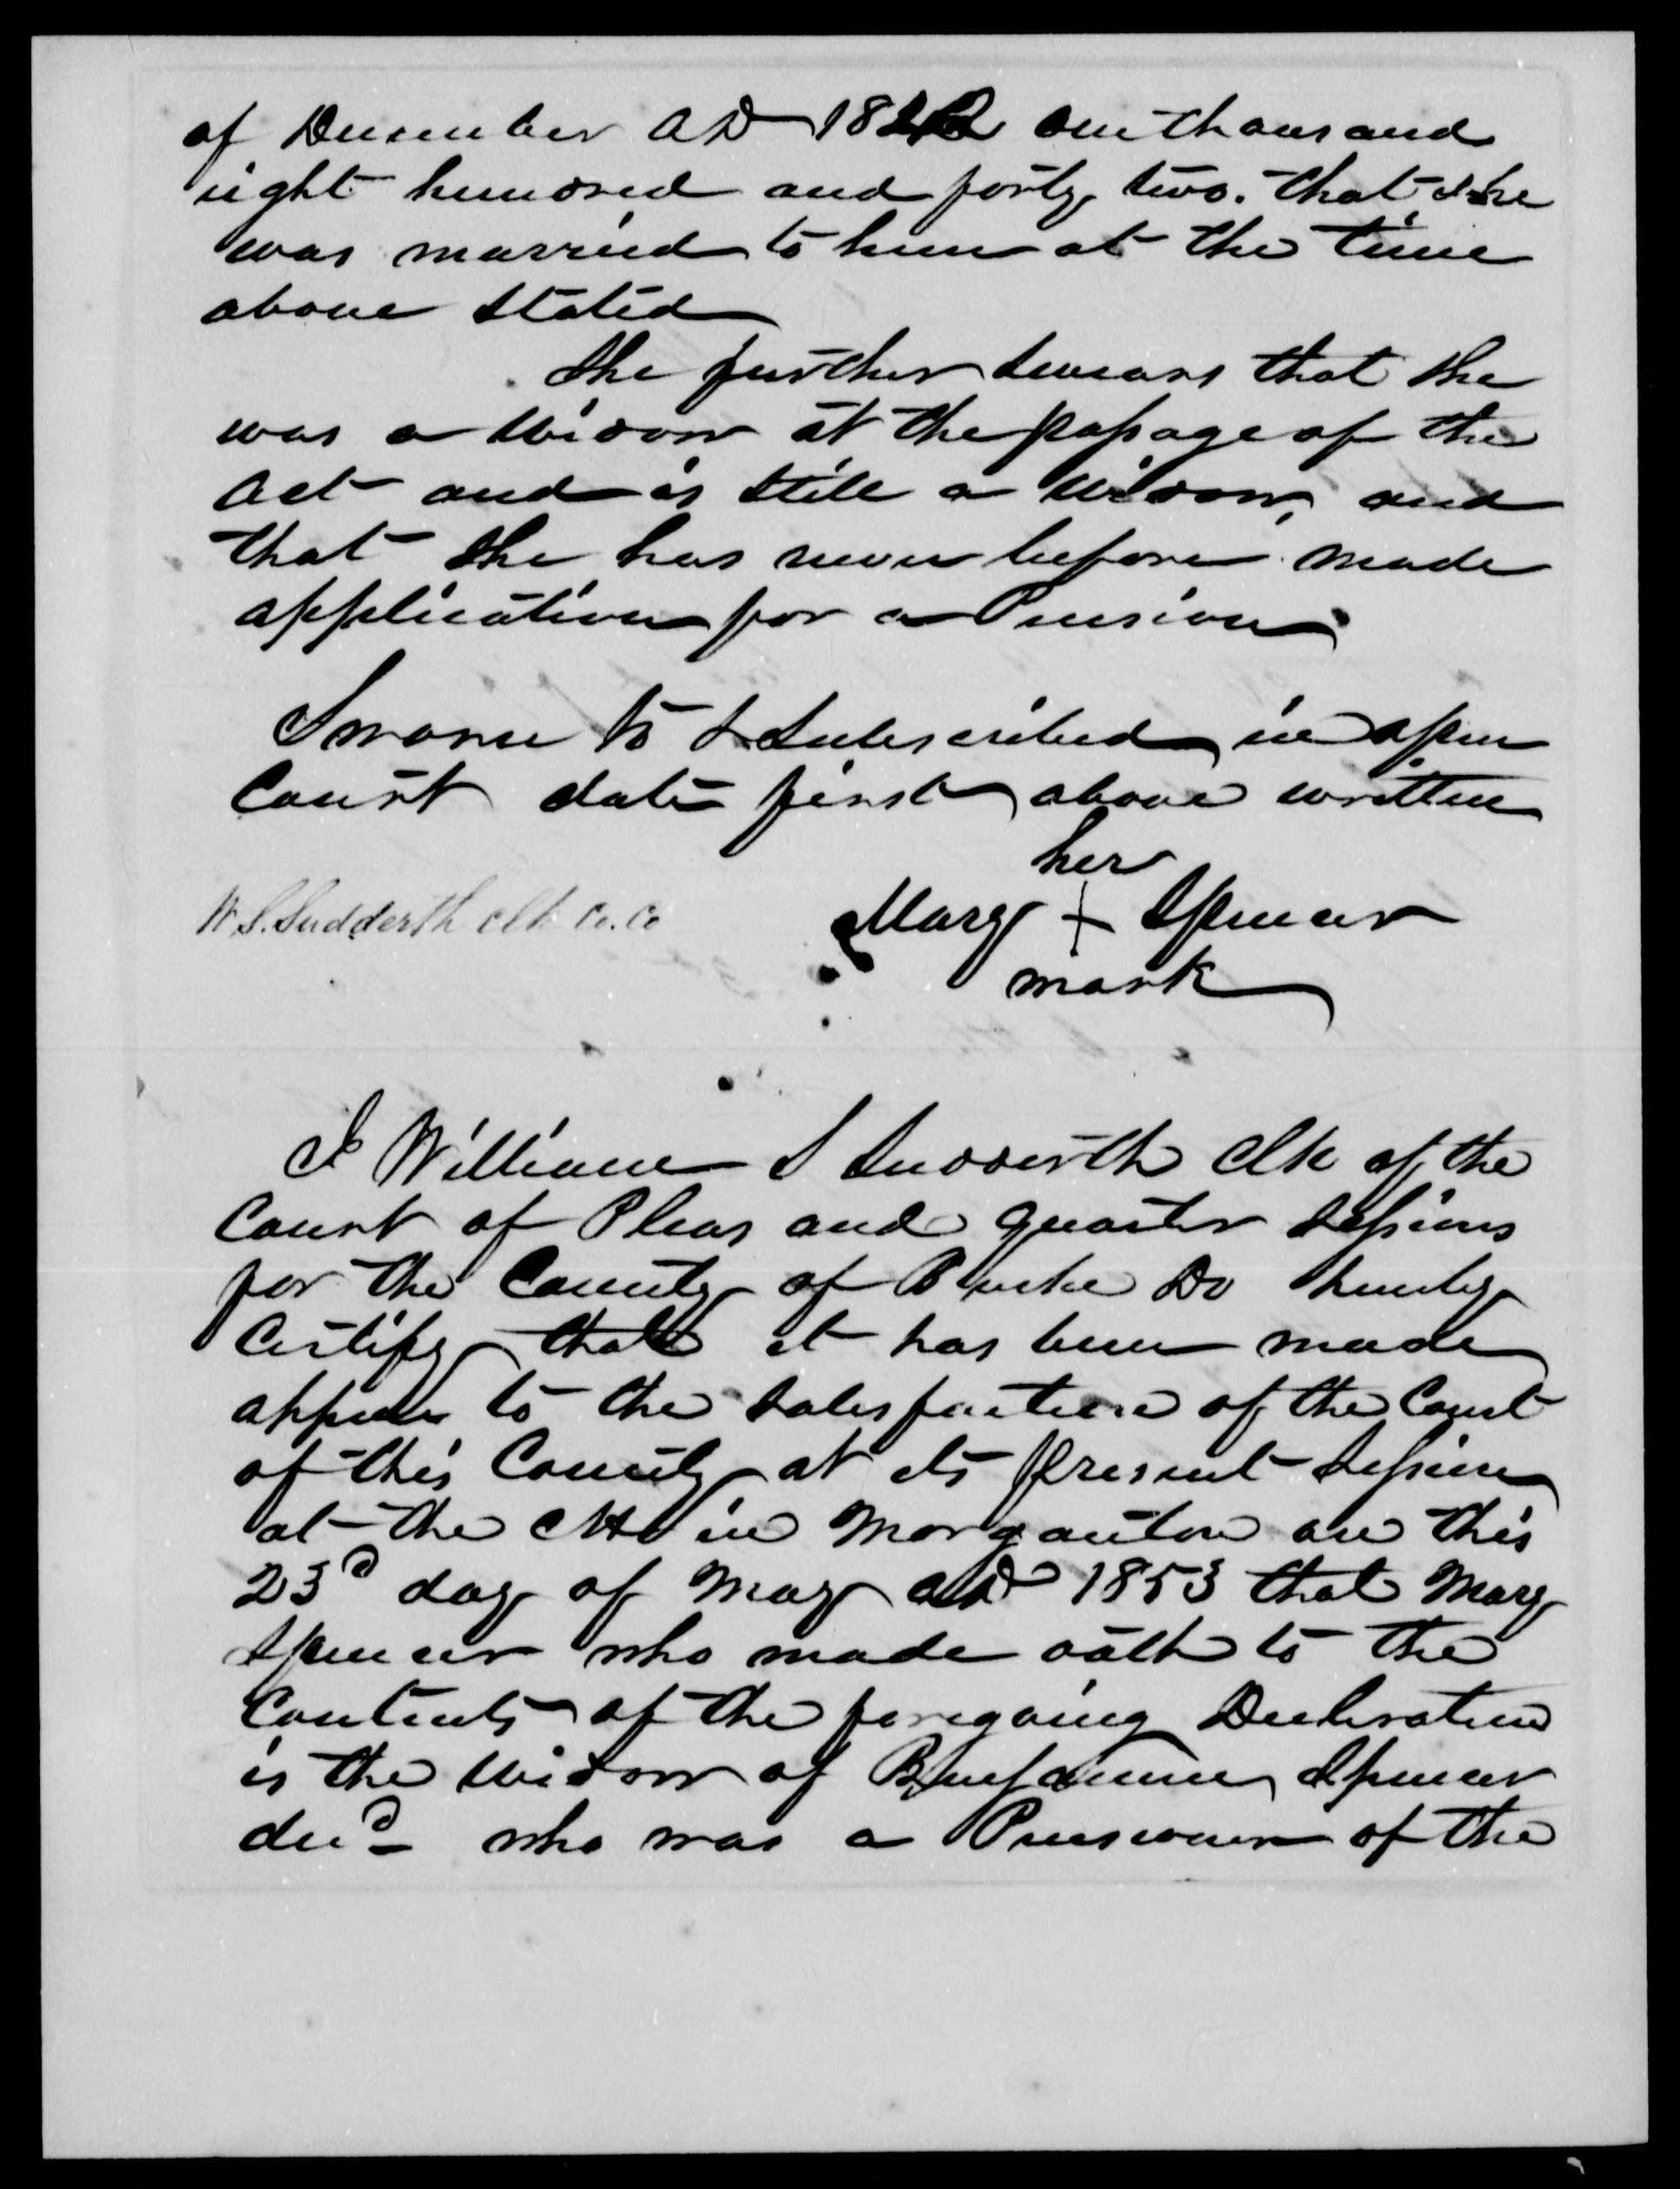of December AD 1842 one thousand
eight hundred and forty two. that she
was married to him at the time
above stated
she further swears that she
was a widow at the passage of the
act and is still a widow, and
that she has never before made
application for a Pension
Sworn to & Subscribed in open
Court date first above written
W. S. Sudderth Clk Co Co
Mary Spencer
her mark
I William S Sudderth Clk of the
Court of Pleas and Quarter Sessions
for the County of Burke Do hereby
certify that it has been made
appears to the satisfaction of the Court
of this County at its present Session
at the crt. Morganton on this
23d day of May AD 1853 that Mary
Spencer who made oath to the
contents of the foregoing Declaration
is the widow of Benjamin Spencer
dec'd. who was a Prisoner of the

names: Mary Spencer; Benjamin Spencer; William S Sudderth; W S Sudderth; Mary Spencer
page: 15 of 63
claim: widow's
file: W. 6158, for Benjamin Spencer, North Carolina